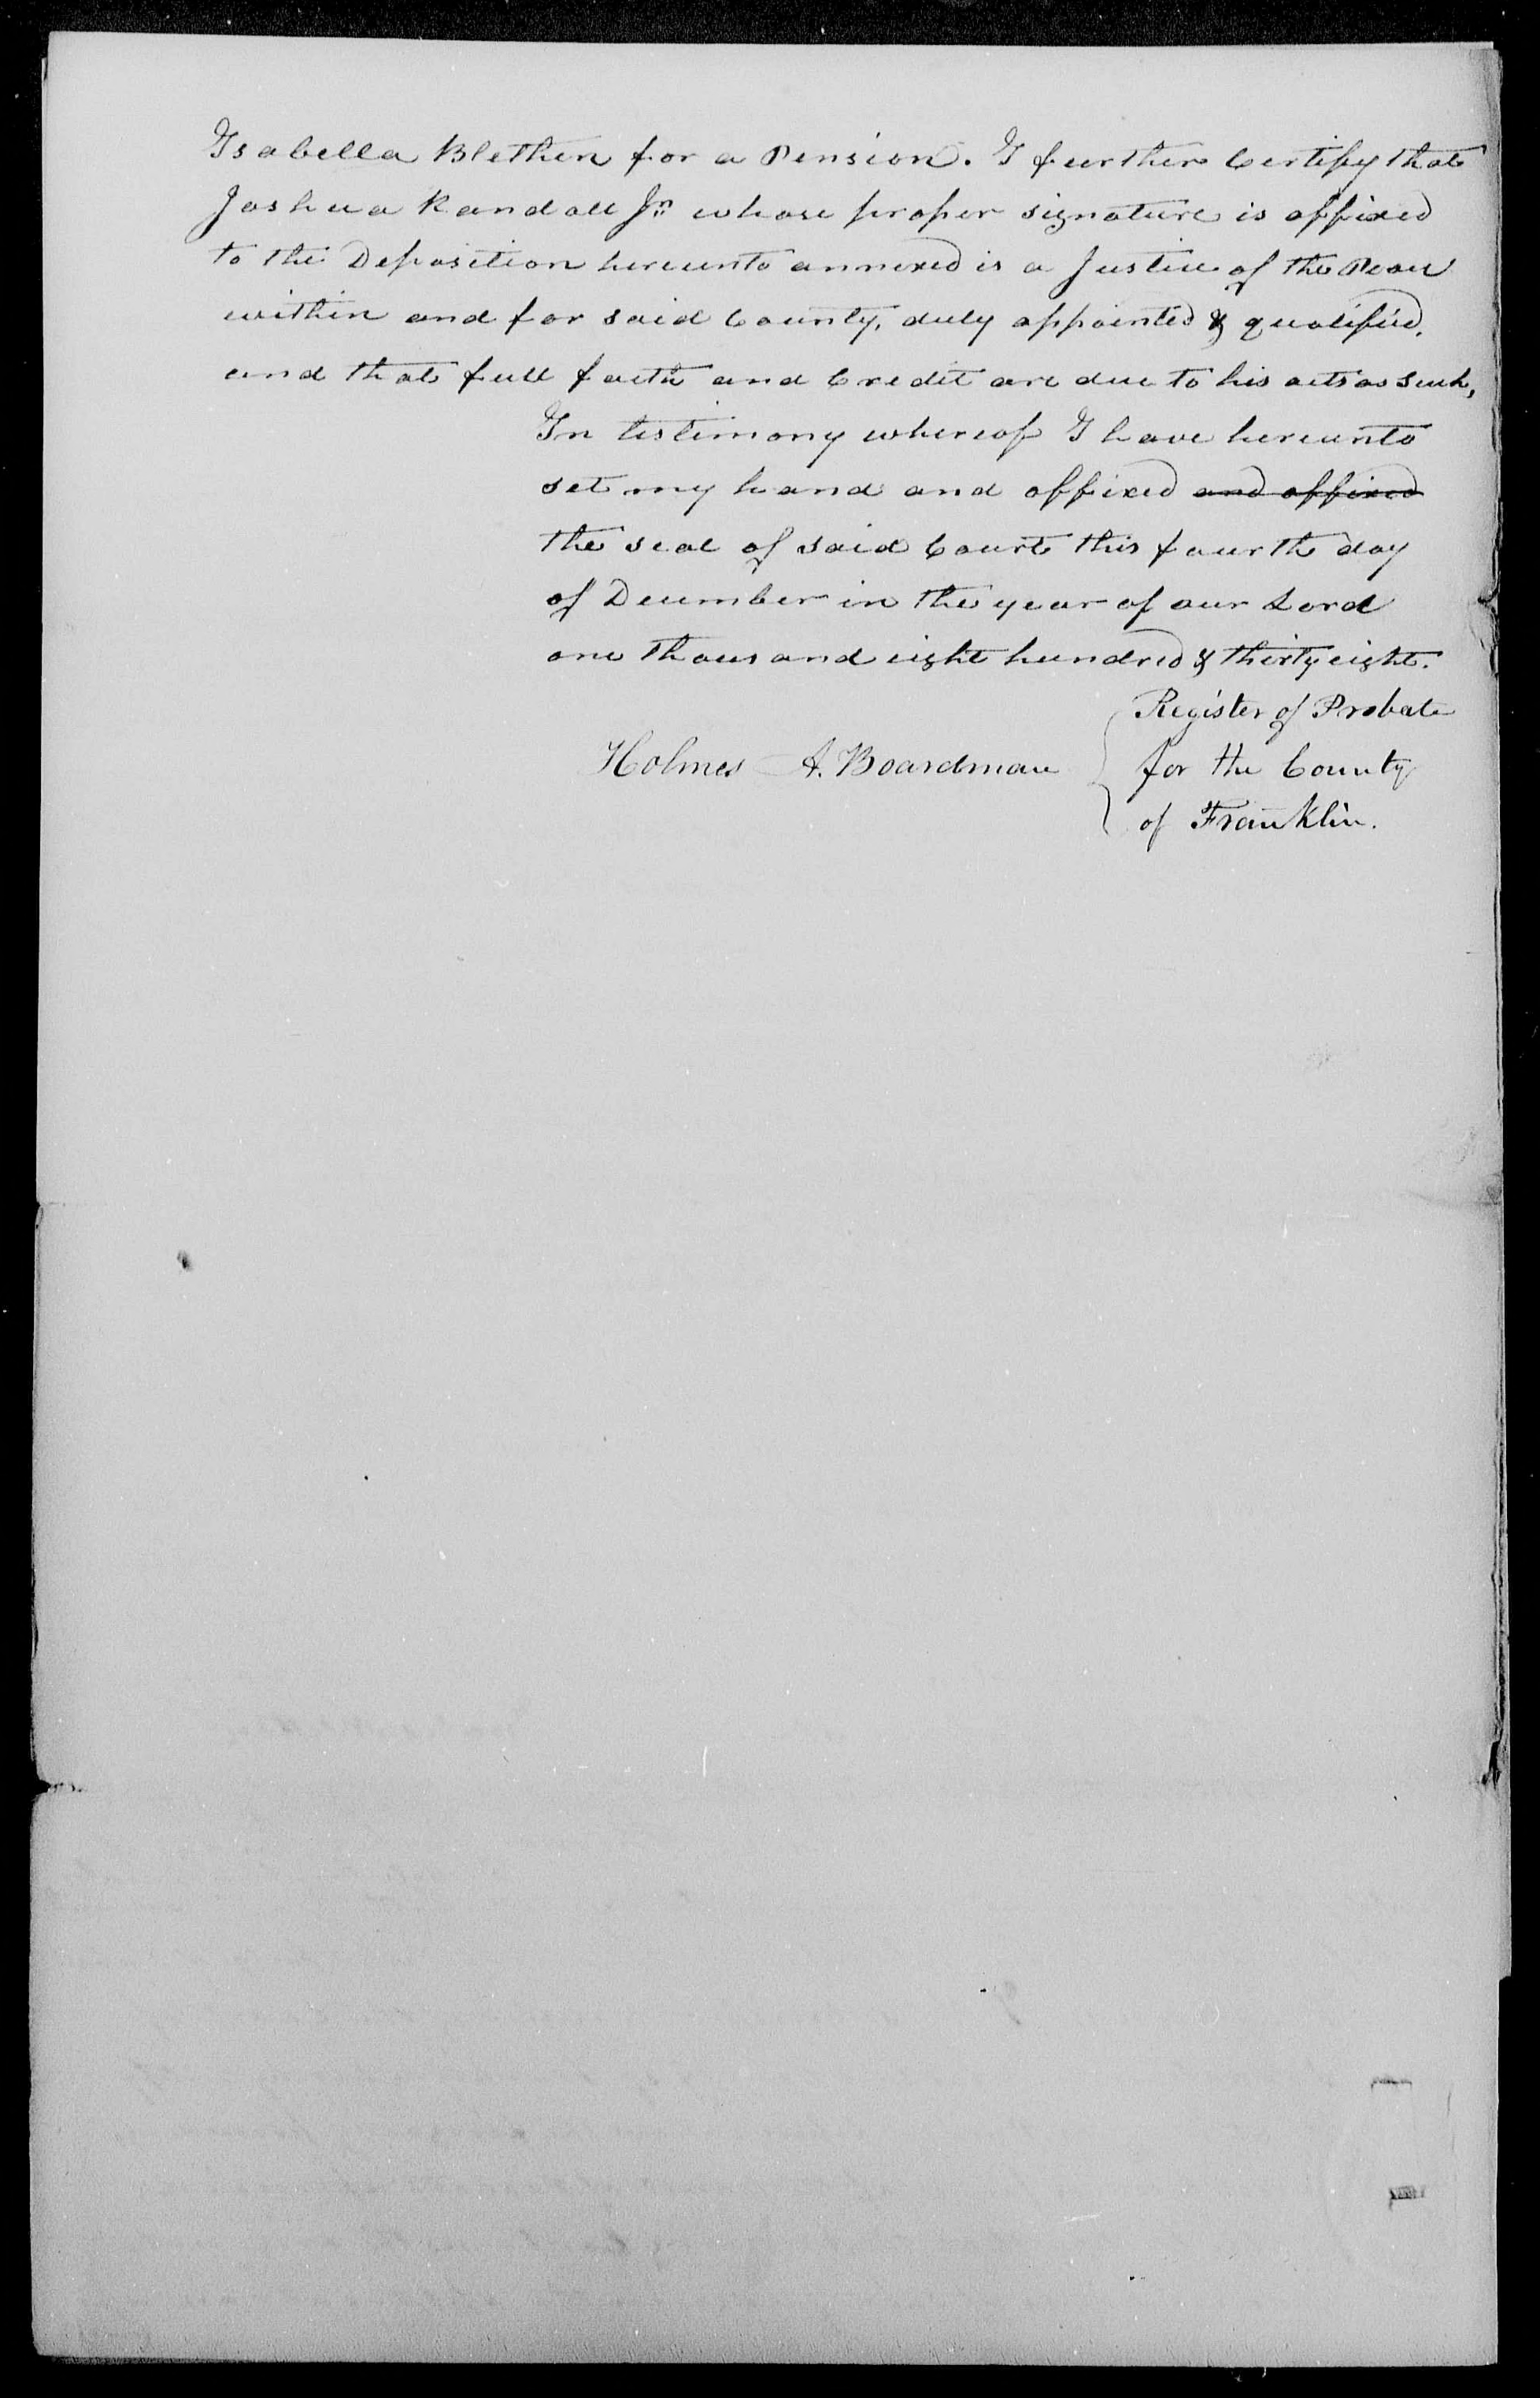Isabella Blethen for a pension. I further certify that
Joshua Randall Jr whose proper signature is affixed
to the Deposition hereunto annexed is a justice of the Peace
within and for said county duly appointed & qualified
and that full faith and credit are due to his acts as such,
In testimony whereof I have hereunto
set my hand and affixed [crossed out: and affixed]
the seal of said courts this fourth day
of December in the year of our Lord
one thousand eight hundred & thirty eight.
Thomas A. Boardman {Register of Probate for the County of Franklin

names: Isabella Blethen, Thomas A Boardman, Joshua Randall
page: 14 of 39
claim: widow's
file: W. 23,621, Increase Blethen, Mass.